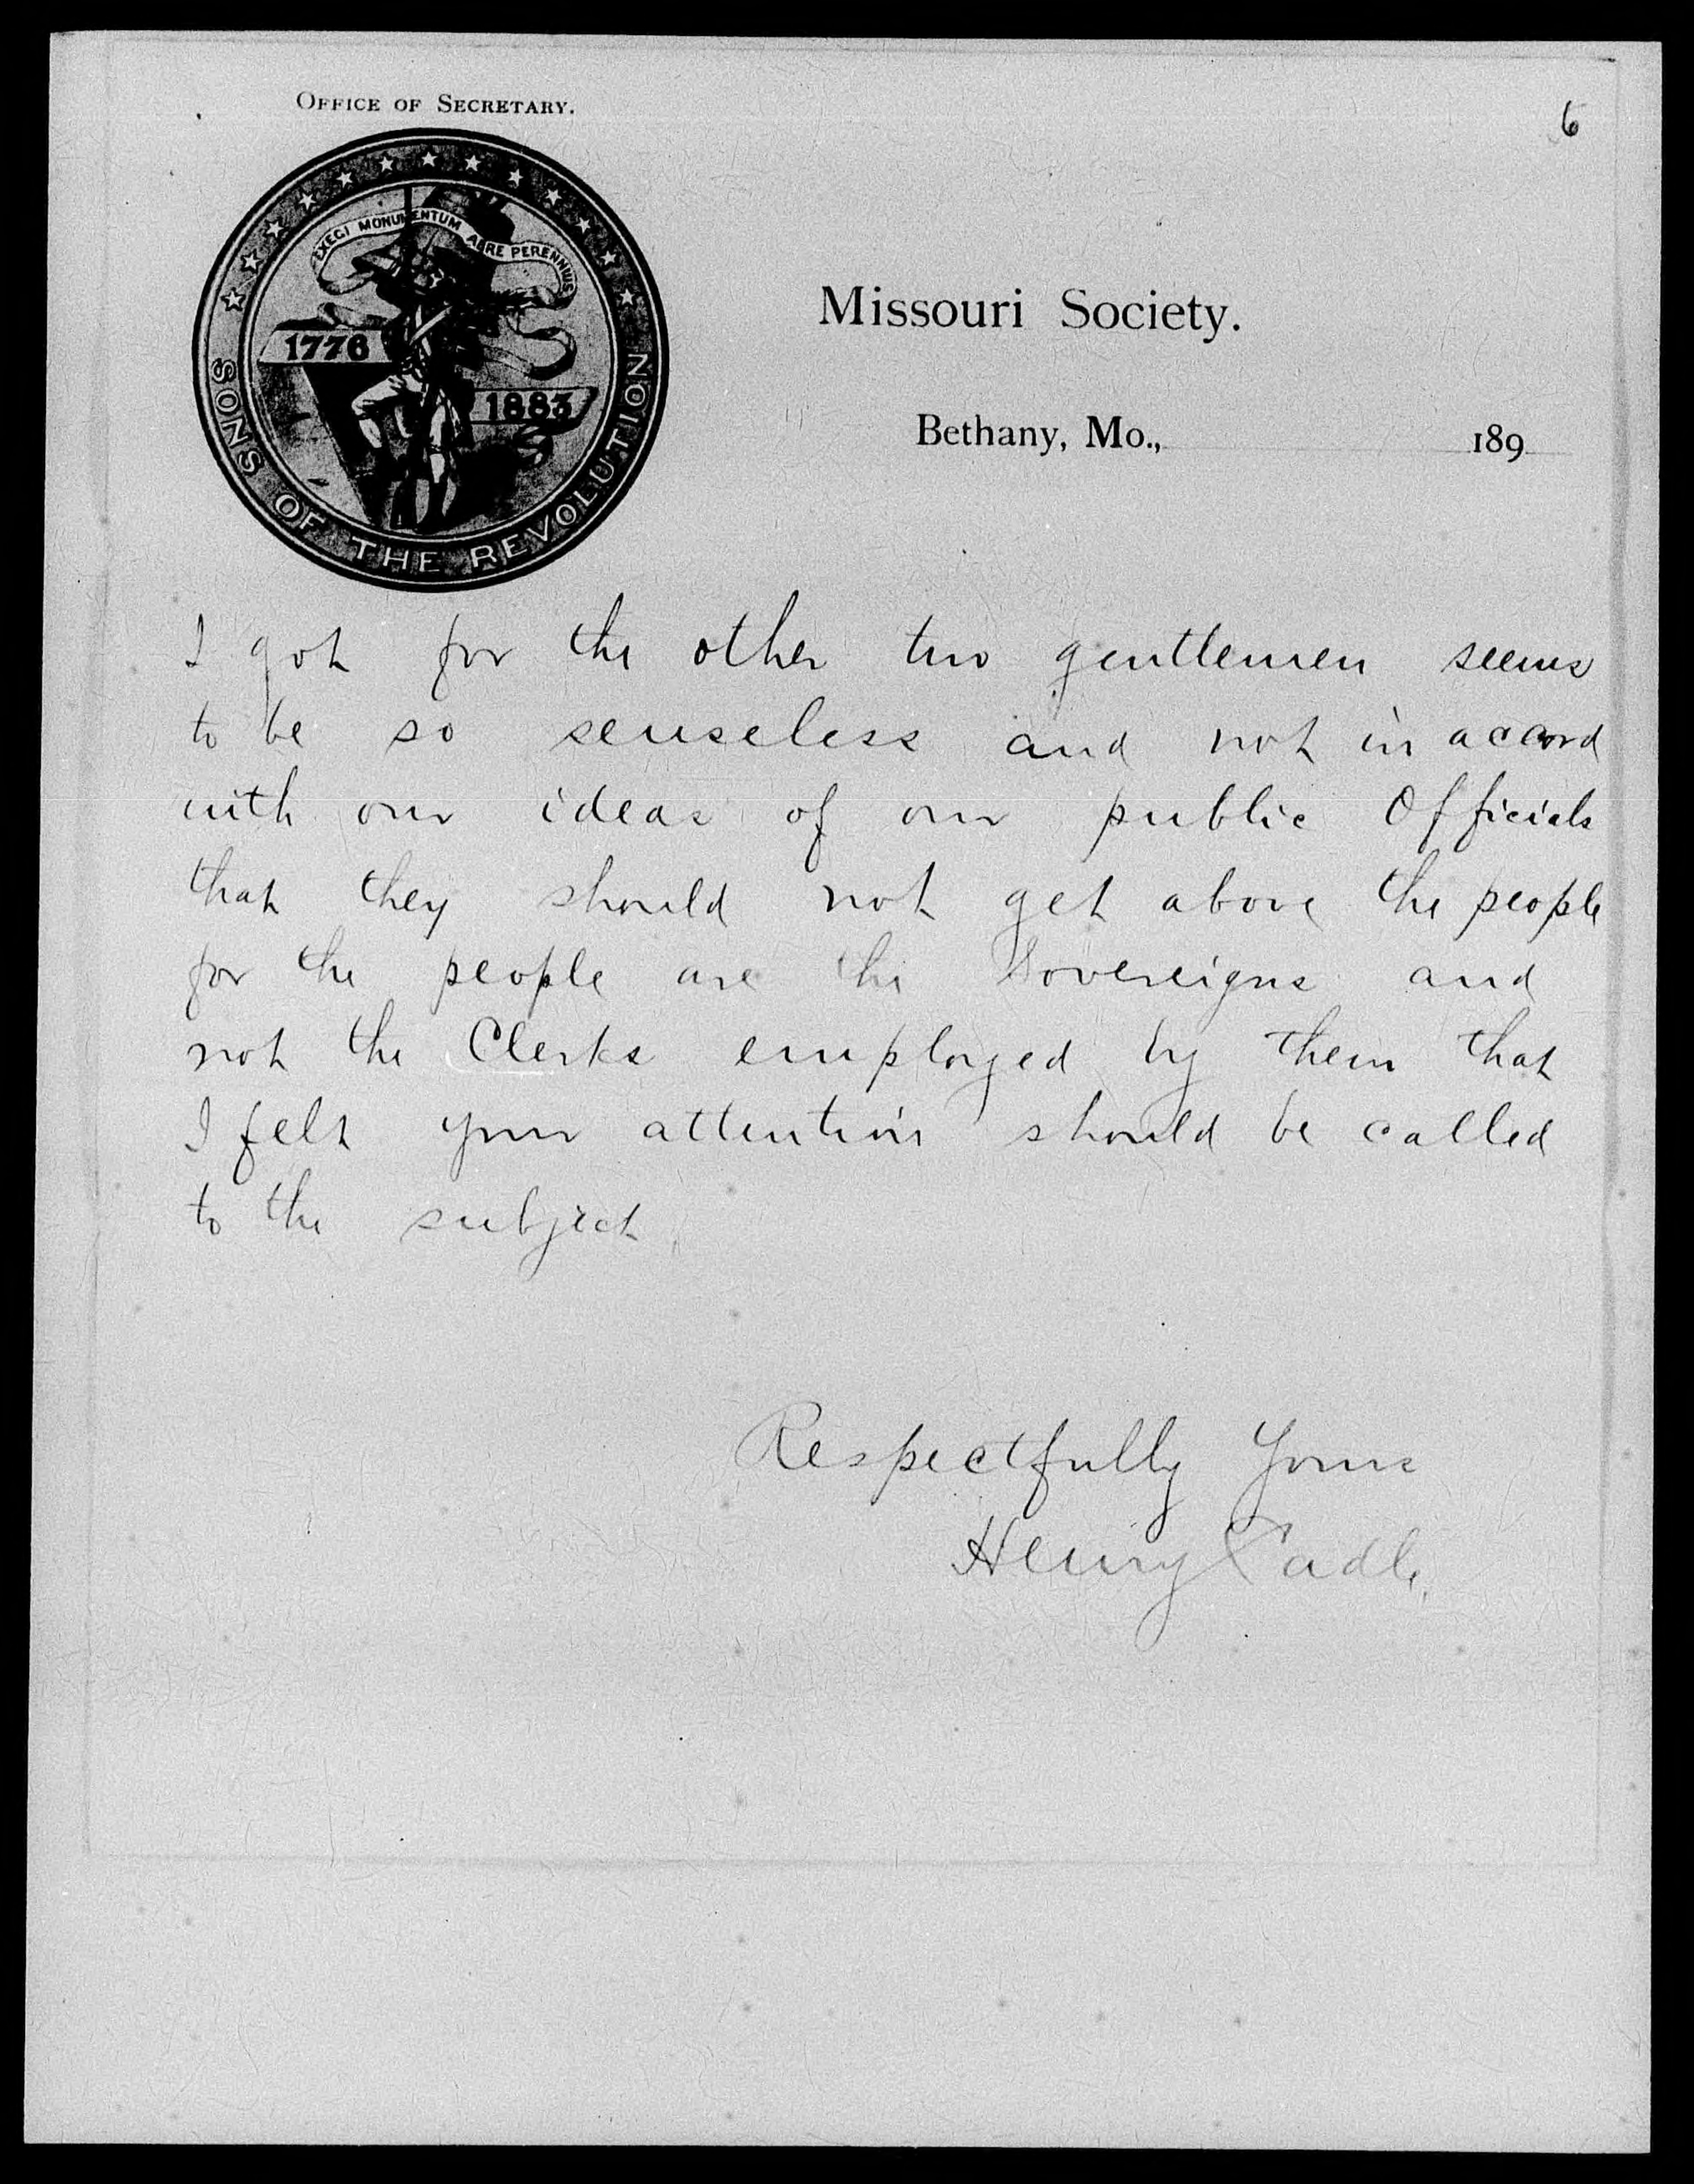Office of Secretary
[seal] SONS OF THE REVOLUTION 1776 1883
Missouri Society. Bethany, Mo., --- 189

I got for the other two gentlemen seems to be so senseless and not in accord with our idea of our public officials that they should not get above the people for the people are the Sovereigns and not the Clerks employed by them that I feel your attention should be called to the subject.
Respectfully Yours
Henry Cadle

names: Henry Cadle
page: 35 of 53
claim: widow's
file: W. 492, for Daniel Lamprey, New Hampshire